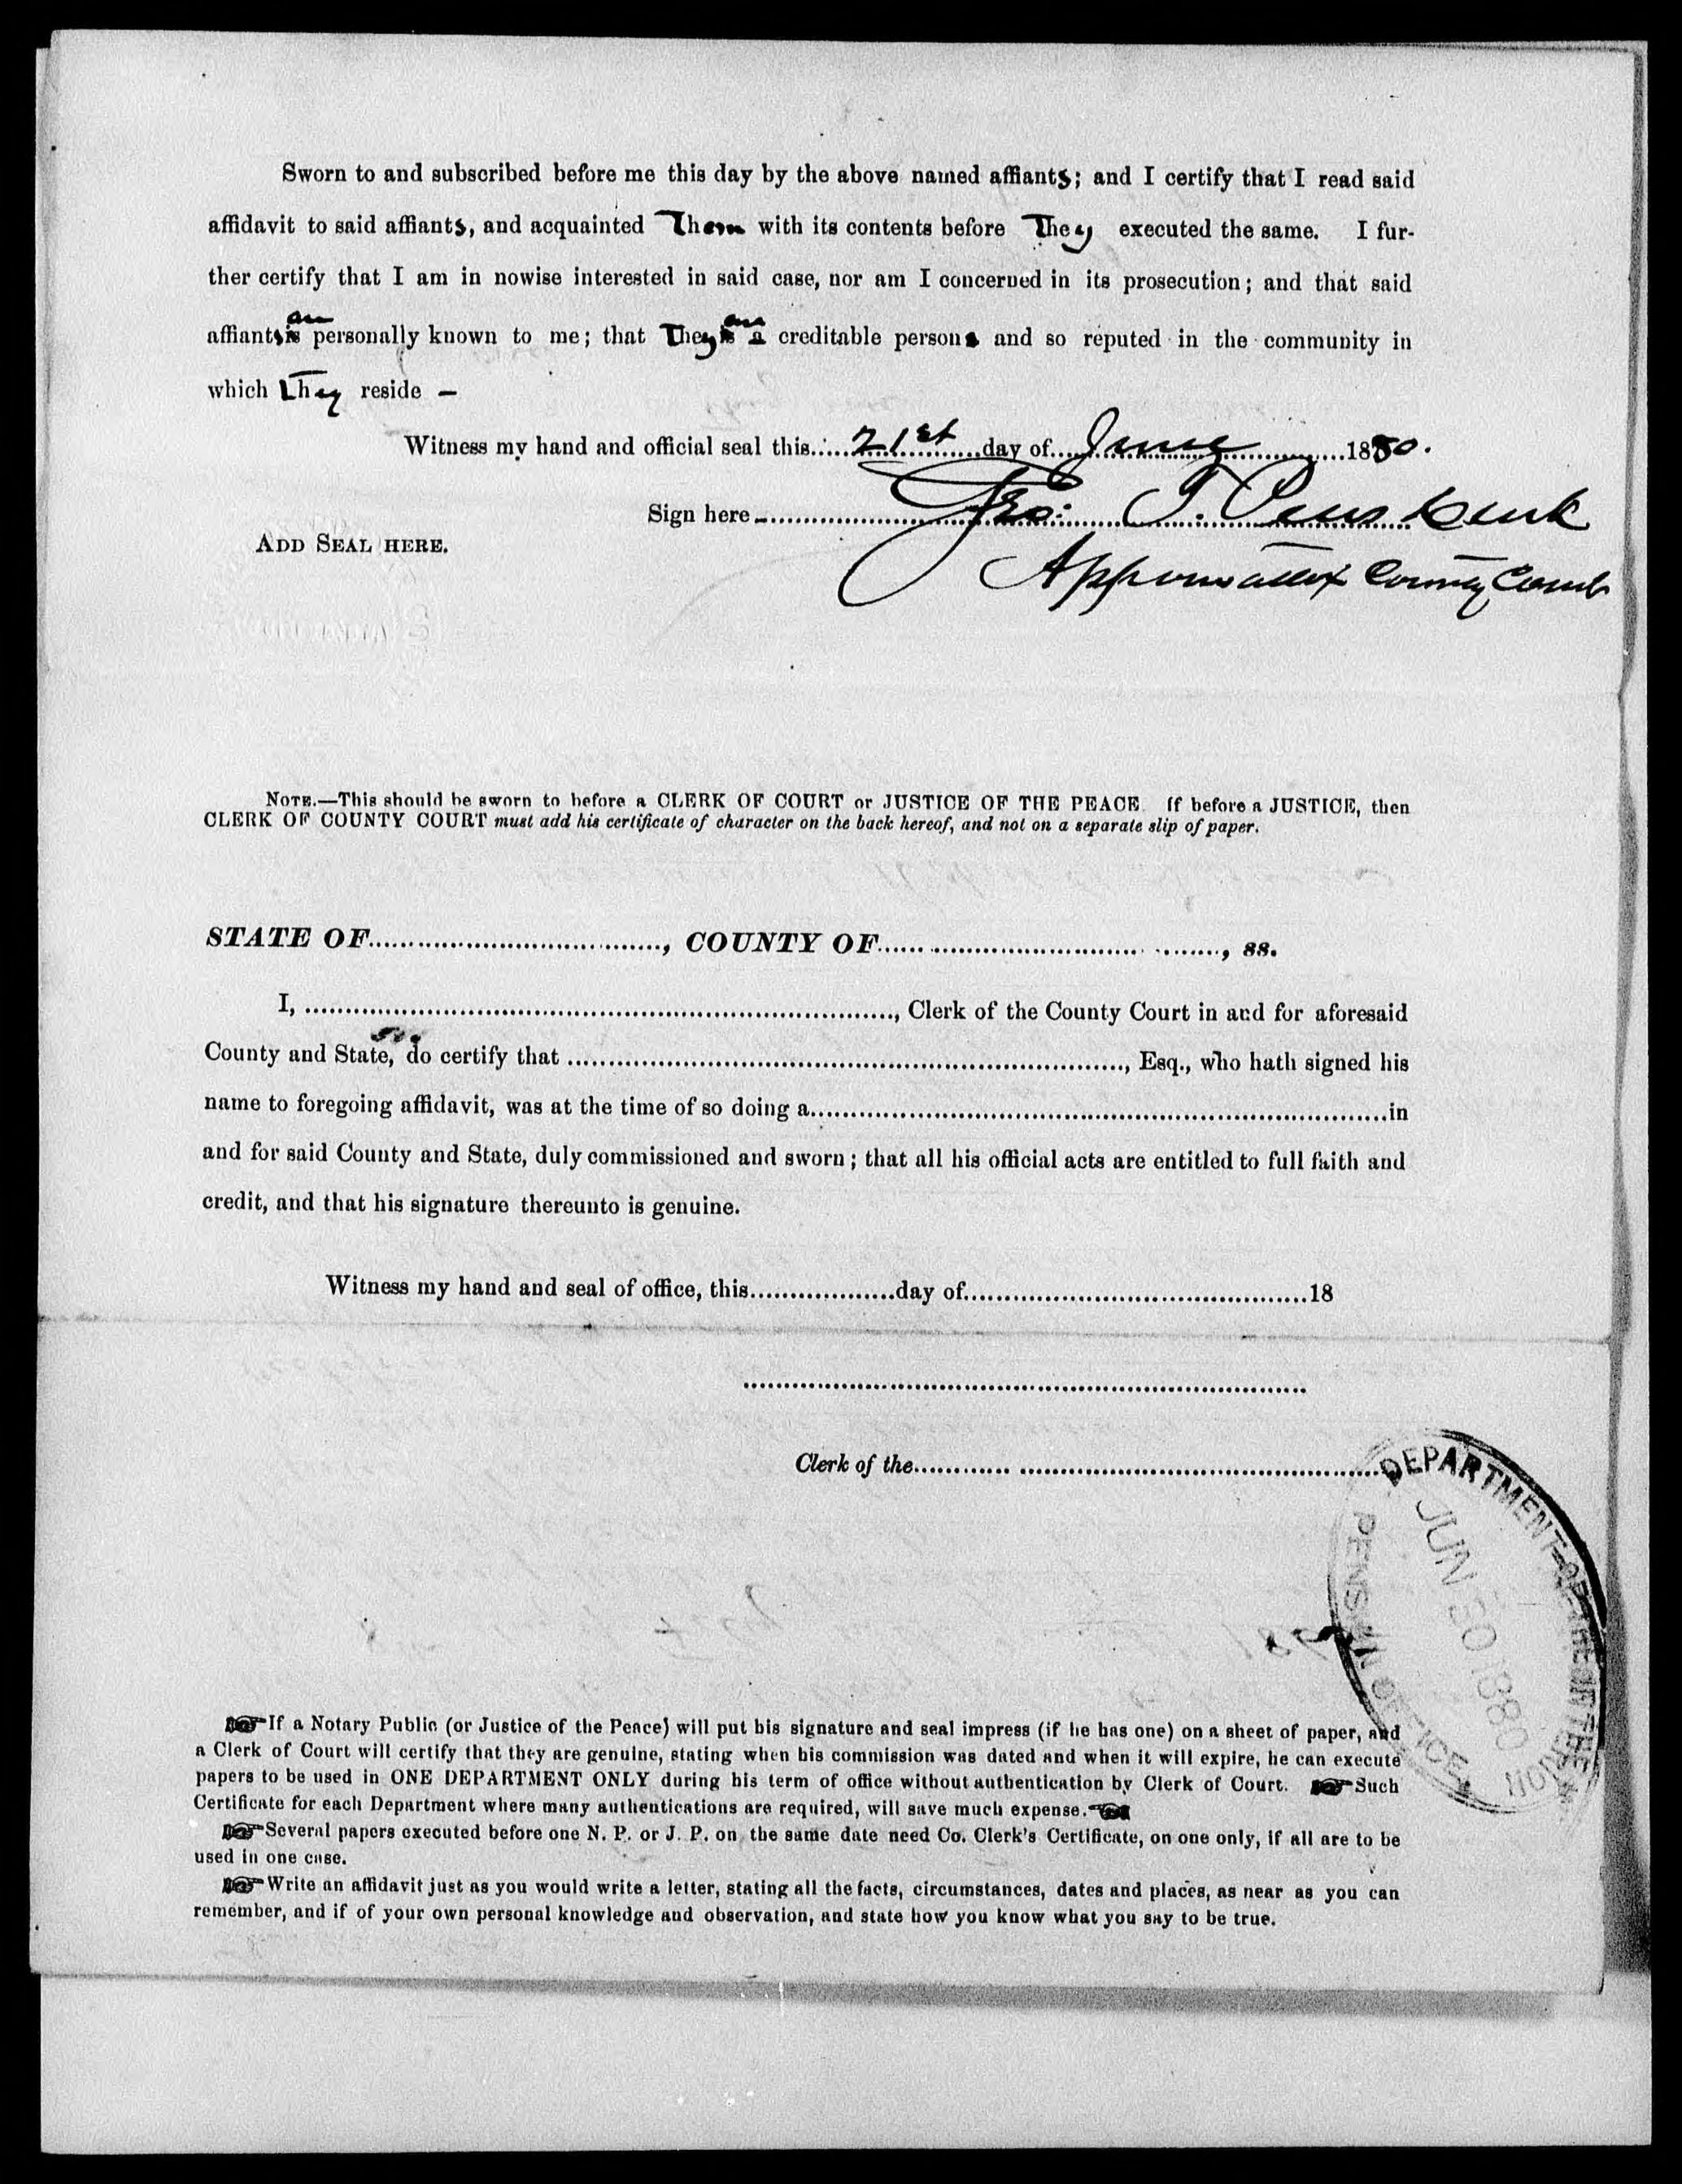Sworn to and subscribed before me this day by the above named affiants; and I certify that I read said
affidavit to said affiants, and acquainted them with its contents before they executed the same. I further
certify that I am in nowise interested in said case, nor am I concerned in its prosecution; and that said
affiants are personally known to me; that they are creditable persons and so reputed in the community in
which they reside -
Witness my hand and official seal this 21st day of June 1880.
Sign here Geo: J. Peers Clerk
ADD SEAL HERE. | Appomattox County Court
NOTE. -- This should be sworn to before a CLERK OF COURT or JUSTICE OF THE PEACE. If before a JUSTICE, then
CLERK OF COUNTY COURT must add his certificate of character on the back hereof, and not on a separate slip of paper.
STATE OF [blank], COUNTY OF [blank], SS.
I, [blank], Clerk of the County Court in and for aforesaid
County and State, do certify that [blank], Esq., who hath signed his
name to foregoing affidavit, was at the time of so doing a [blank] in
and for said County and State, duly commissioned and sworn; that all his official acts are entitled to full faith and
credit, and that his signature thereunto is genuine.
Witness my hand and seal of office, this [blank] day of [blank] 18[blank]
[Signature blank]
Clerk of the [blank]
| [Date stamp with the following]
DEPARTMENT OF THE INTERIOR
JUN 30 1880
PENSION OFFICE
[End of stamp]
If a Notary Public (or Justice of the Peace) will put his signature and seal impress (if he has one) on a sheet of paper, and
a Clerk of Court will certify that they are genuine, stating when his commission was dated and when it will expire, he can execute
papers to be used in ONE DEPARTMENT ONLY during his term of office without authentication by Clerk of Court. Such
Certificate for each Department where many authentications are required, will save much expense.
Several papers executed before one N. P. or J. P. on the same date need Co. Clerk's Certificate, on one only, if all are to be
used in one case.
Write an affidavit just as you would write a letter, stating all the facts, circumstances, dates and places, as near as you can
remember, and if of your own personal knowledge and observation, and state how you know what you say to be true.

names: Geo J Peers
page: 40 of 50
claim: widow's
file: W. 1929, for Lloyd Portwood, Virginia